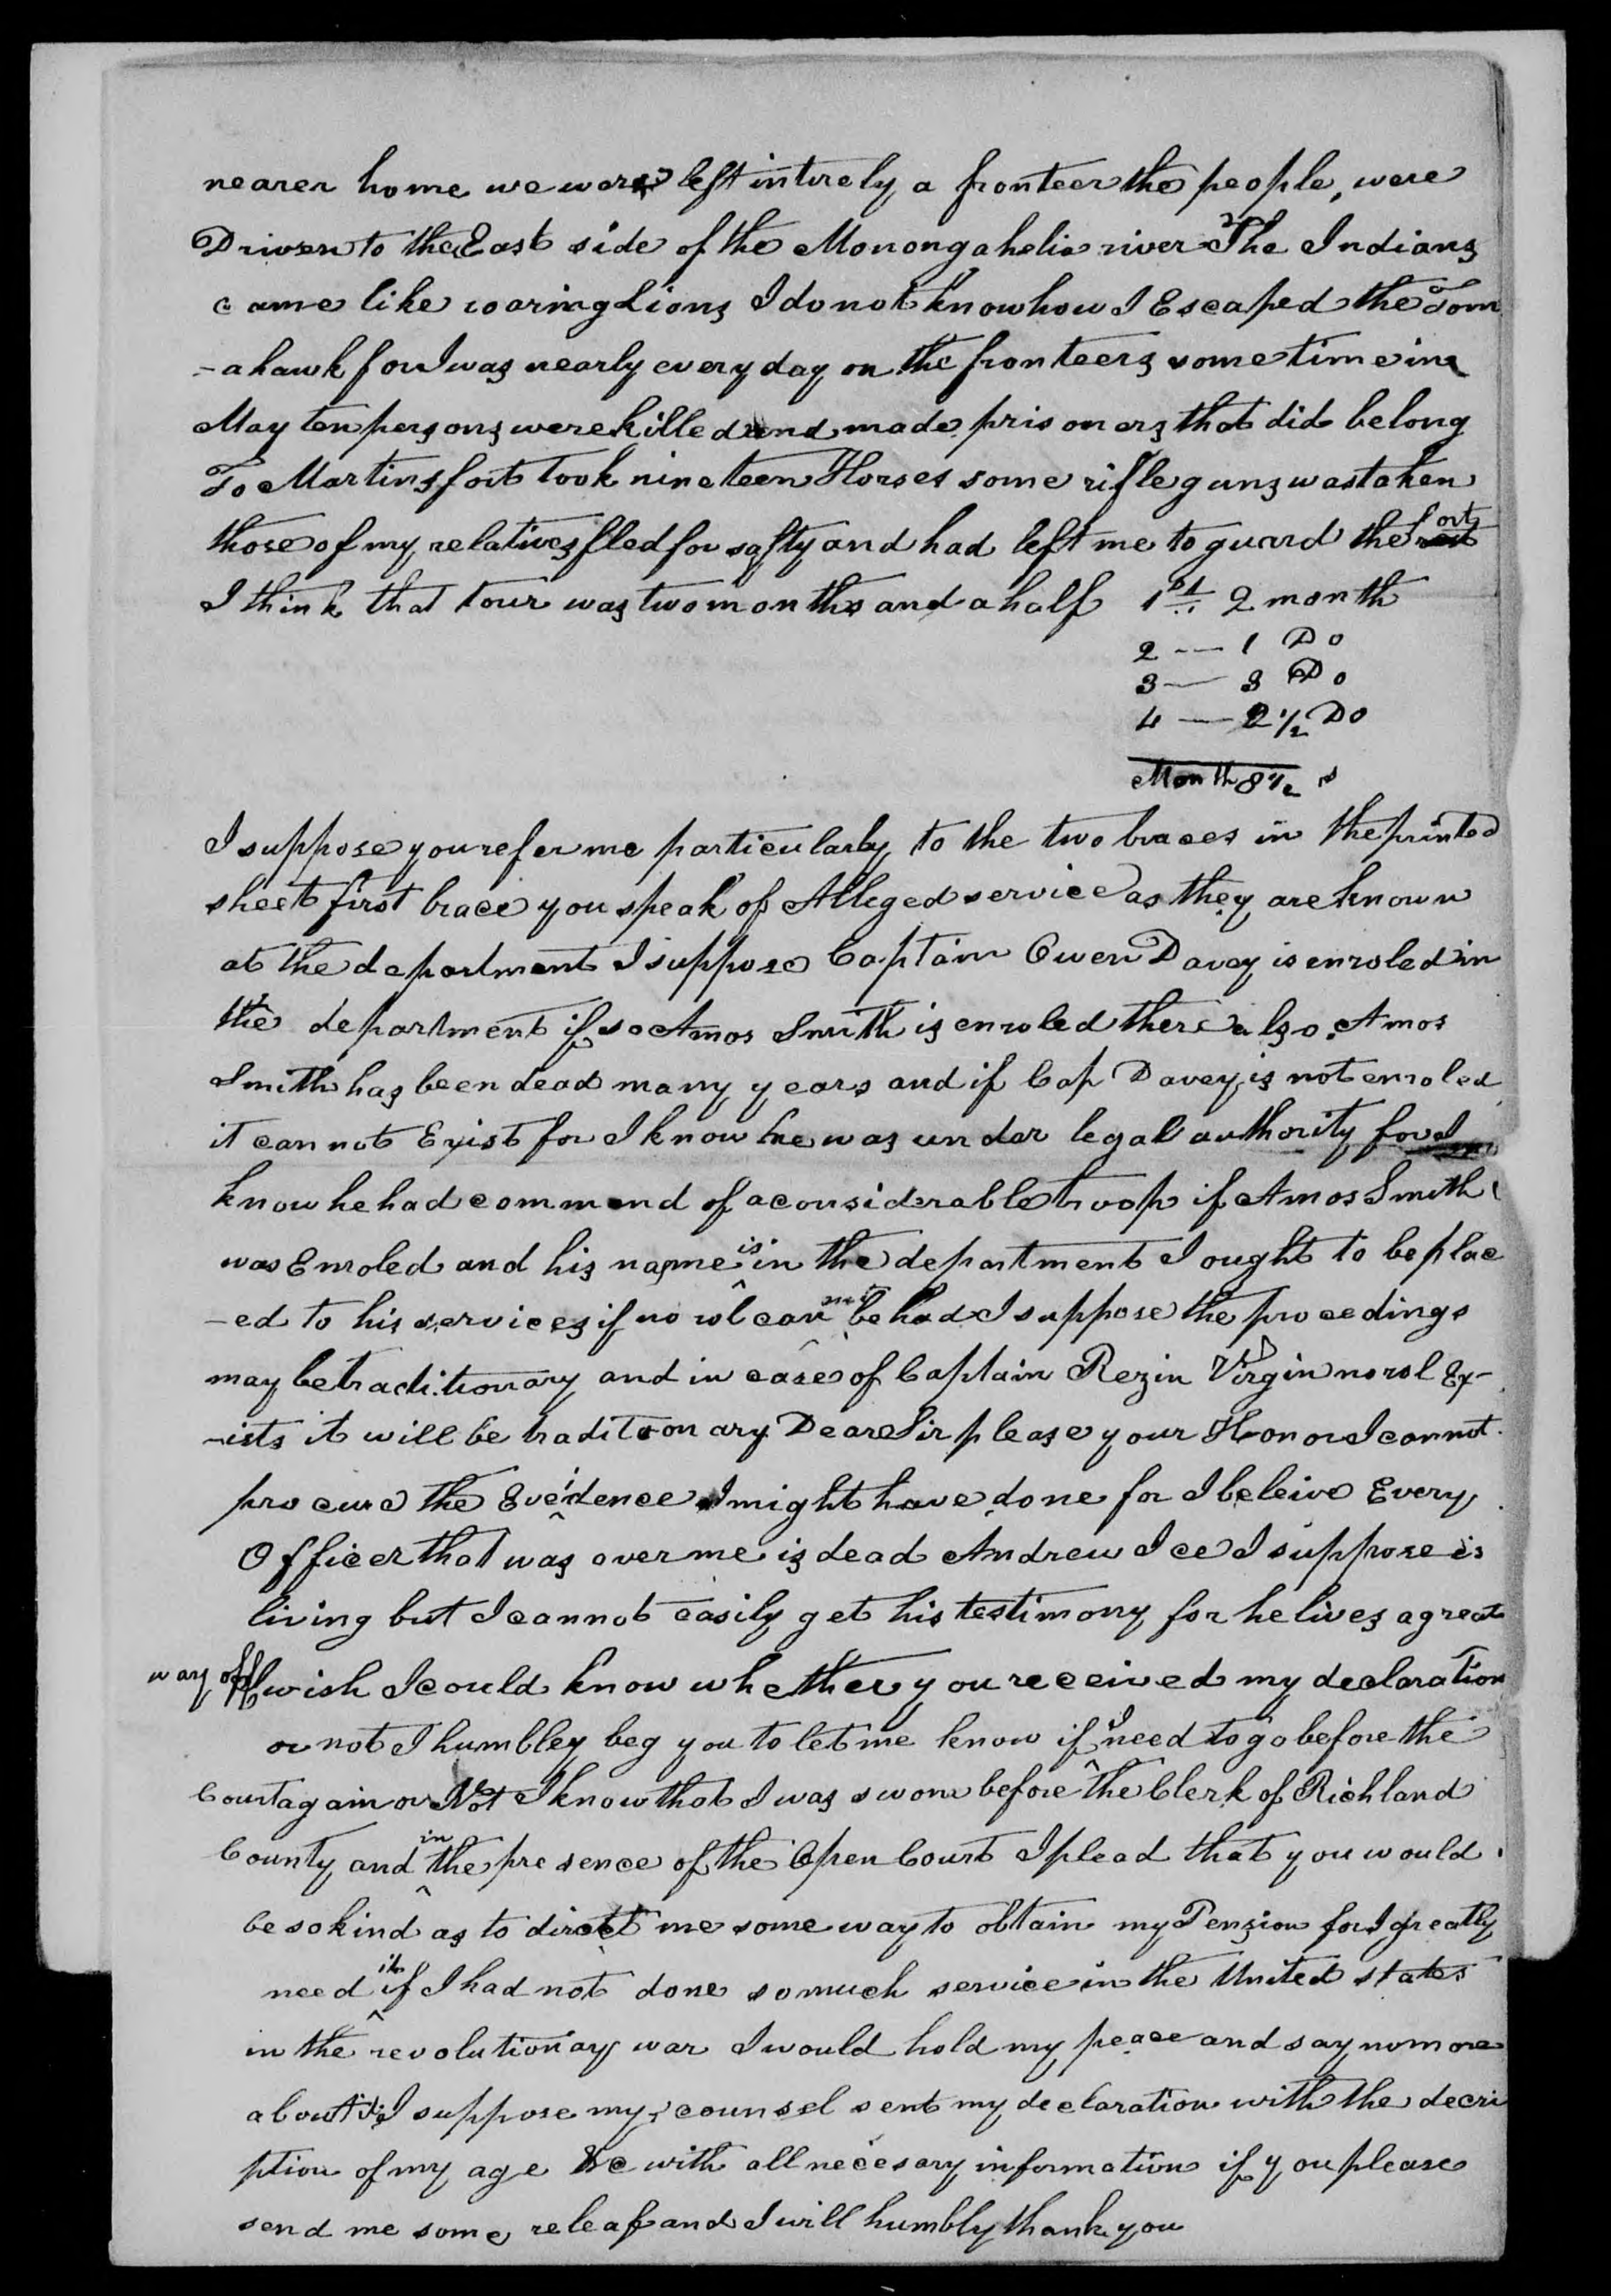nearer home we were left entirely a fronteer the people, were Driven to the East side of the Monongalia river The Indians came like roaring Lions I do not know how I Escaped the Tomahawk for I was nearly every day on the fronteers sometime in May ten persons were killed and made prisoners that did belong to Martins fort took nineteen Horses some rifle guns was taken those of any relations fled for safety and had left me to guard the fort I think that tour was two months and a half 1st 2 month
2 - 1 Do
3 - 3 Do
4 - 2 1/2 Do
Month 81/2
I suppose you refer me particularly to the two braces in the printed sheet first brace you speak of Alleged service as they are known at the department I suppose Captain Owen Davey is enrolled in the department if so Amos Smith is enrolled there also Amos Smith has been dead many years and if Cap Davey is not enroled it can not Exist for all I know he was under legal authority or I know he had command of a considerable troop if Amos Smith was Enroled and his name is in the department I ought to be placed to his services if now I can not be had I suppose the proceedings may be traditionary and in case of Captain Rezin Virgin no rol Exists it will be tradition my Dear Sir please your Honor I cannot procure the Evidence I might have done for I believe Every Officer that was over me is dead Andrew Ice I suppose is living but I cannot easily get his testimony for he lives a great way off I wish I could know whether you received my declaration or not I humbly beg you to let me know if I need to go before the Court again or not I know that I was sworn before the Clerk of Richland County and in the presence of the Open Court I plead that you would be so kind as to direct me some way to obtain my Pension for I greatly need it if I had not done so much service in the United States in the revolutionary war I would hold my peace and say no more about it I suppose my counsel sent my declaration with the description of my age &c with all necessary information if you please send me some releaf and I will humbly thank you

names: Rezin Virgin, Amos Smith, Davey, Andrew Ice, Amos Smith, Owen Davey, Amos Smith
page: 32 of 33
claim: survivor's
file: S. 9587, William Holson, Va.